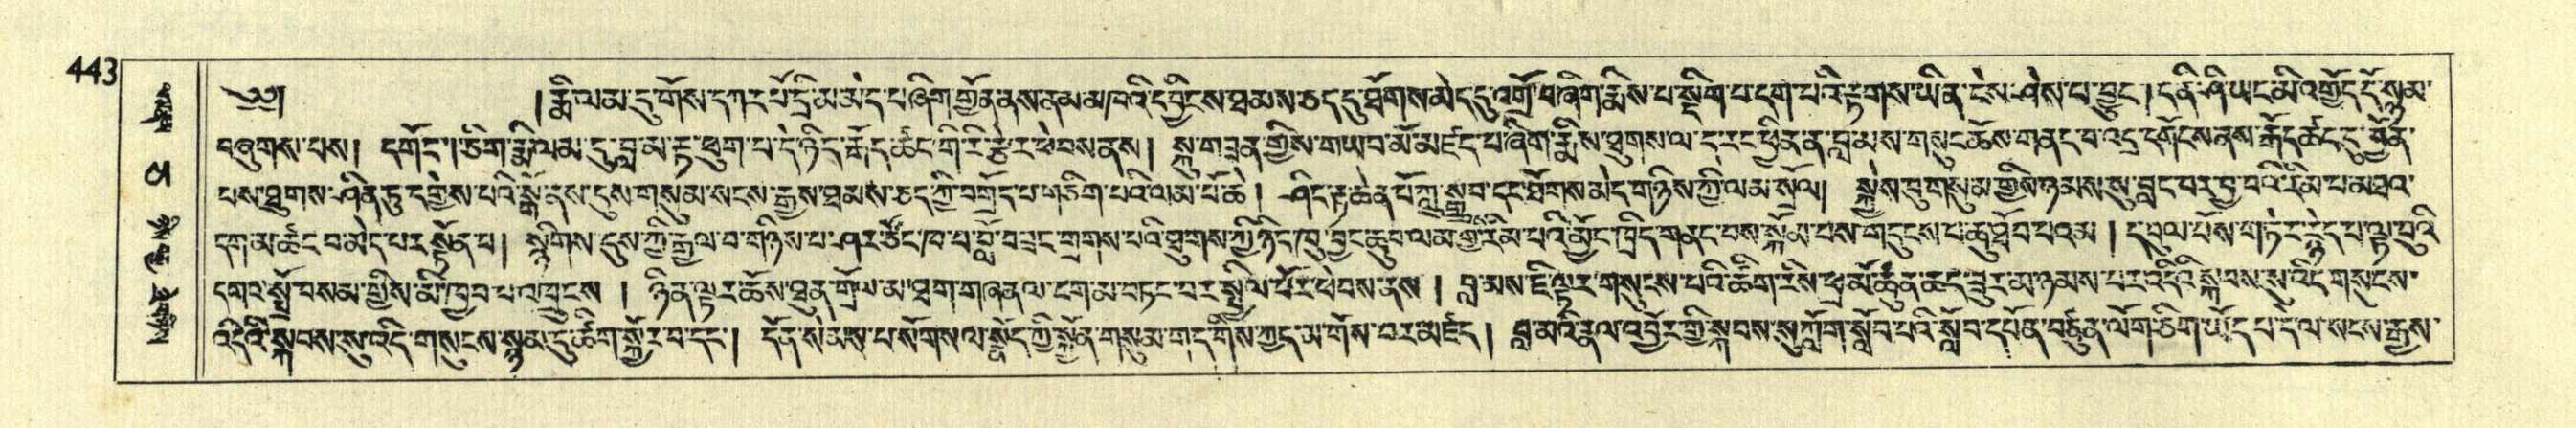༄༅། །རྨི་ལམ་དུ་གོས་དཀར་པོ་དྲི་མ་མེད་པ་ཞིག་གྱོན་ནས་ནམ་མཁའི་དབྱིངས་ཐམས་ཅད་དུ་ཐོགས་མེད་དུ་འགྲོ་བ་ཞིག་རྨིས་པ་སྡིག་པ་དག་པའི་རྟགས་ཡིན་ངེས་ཤེས་པ་བྱུང་། ད་ནི་ཤི་ཡང་མི་འགྱོད་དོ་སྙམ་
བཞུགས་པས། དགོང་། ཅིག་རྨི་ལམ་དུ་བླ་མ་རྟ་ཕུག་པ་དེ་ཉིད་རྒོད་ཚང་གི་རི་རྩེར་ཕེབས་ནས། ཀུན་གཞན་གྱིས་གཡབ་མོ་མཛད་པ་ཞིག་རྨིས་ཐུགས་ལ་ད་རང་ཕྱིན་པ་བླ་མས་གསུང་ཆོས་གནང་བ་འདྲ་དགོངས་ནས་རྒོད་ཚང་དུ་བྱོན་
པས་ཐུགས་ཤིན་ཏུ་དགྱེས་པའི་སྒོ་ནས་དུས་གསུམ་སངས་རྒྱས་ཐམས་ཅད་ཀྱི་བགྲོད་པ་གཅིག་པའི་ལམ་པོ་ཆེ། ཤིང་རྟ་ཆེན་པོ་ཀླུ་སྒྲུབ་དང་ཐོགས་མེད་གཉིས་ཀྱི་ལམ་སྲོལ། སྐྱེས་བུ་གསུམ་གྱིས་ཉམས་སུ་བླང་བར་བྱ་བའི་རིམ་པ་མཐའ་
དག་མ་ཚང་བ་མེད་པར་སྟོན་པ། སྙིགས་དུས་ཀྱི་རྒྱལ་བ་གཉིས་པ་ཤར་ཙོང་ཁ་པ་བློ་བཟང་གྲགས་པའི་ཐུགས་ཀྱི་ཉིང་ཁུ་བྱང་ཆུབ་ལམ་གྱི་རིམ་པའི་མྱོང་ཁྲིད་གནང་བས་སྐོམ་པས་གདུངས་པ་ཆུ་ཐོབ་པའམ། དབུལ་པོས་གཏེར་རྙེད་པ་ལྟ་བུའི་
དགའ་སྤྲོ་བསམ་གྱིས་མི་ཁྱབ་པ་འཁྲུངས། ཉིན་ལྟར་ཆོས་ཐུན་གྲོལ་མ་ཐག་གཞན་ལ་ངག་མ་བཏང་བར་སྤྱིལ་པོར་ཕེབས་ནས། བླ་མས་ཇི་ལྟར་གསུངས་པའི་ཚིག་རིས་ཕྲ་མོ་ཚུན་ཆད་ཟུར་མ་ཉམས་པར་འདིའི་སྐབས་སུ་འདི་གསུངས་
འདིའི་སྐབས་སུ་འདི་གསུངས་སྙམ་དུ་ཚིག་སྐྱོར་བ་དང་། དོན་སེམས་པ་སོགས་ལ་སྣོད་ཀྱི་སྐྱོན་གསུམ་གད་གིས་ཀྱང་མ་གོས་བར་མཛད། བླ་མའི་རྣལ་འབྱོར་གྱི་སྐབས་སུ་ཀློག་སློབ་པའི་སློབ་དཔོན་བཙུན་ལོ་གཅིག་ཡོད་པ་དེ་ལ་སངས་རྒྱས་